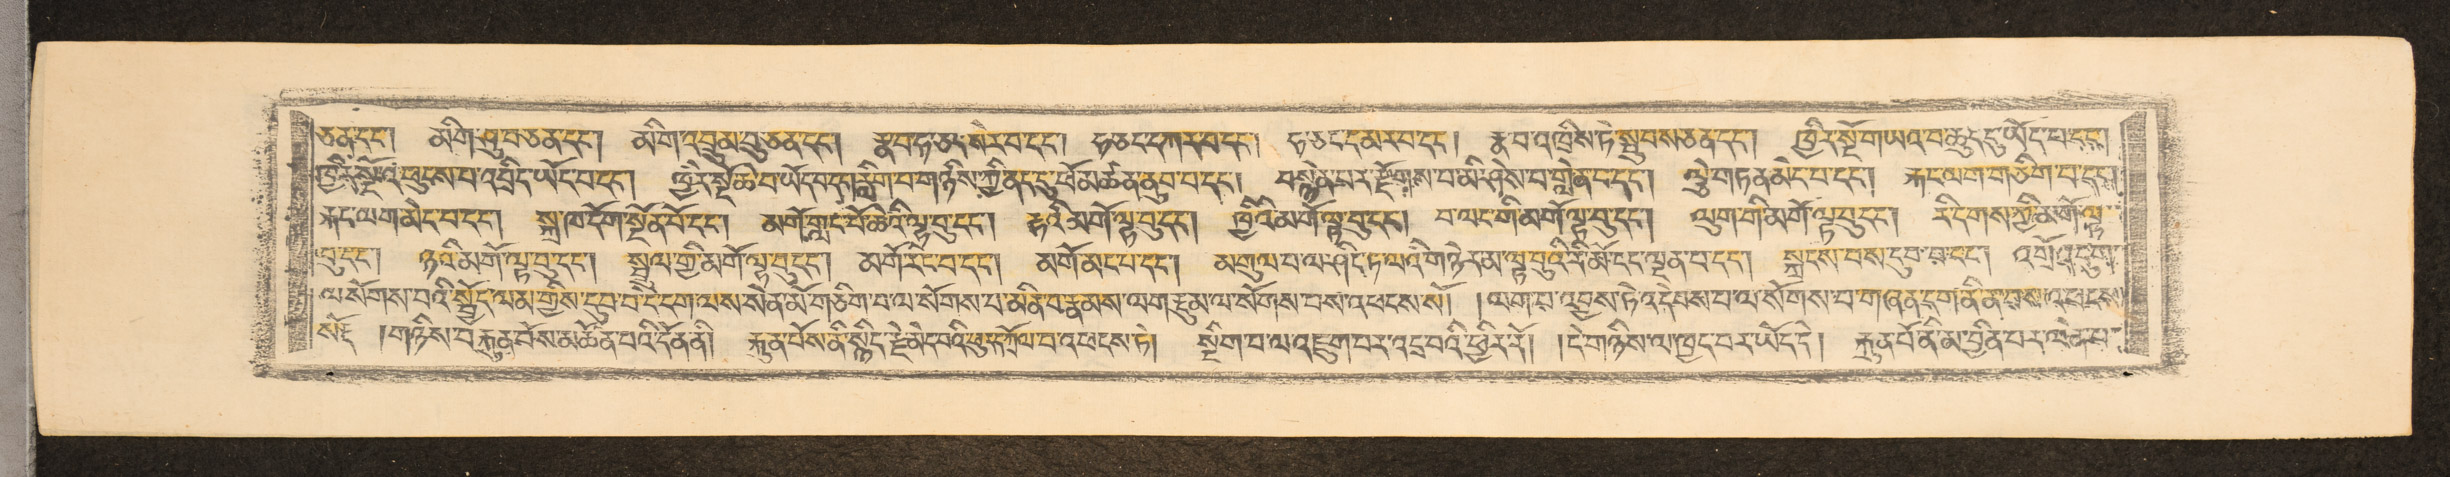ཅན་དང་། མིག་ཤུ་བ་ཅན་དང་། མིག་འབྲུམ་བུ་ཅན་དང་། རྣ་བ་ཧ་ཅང་སེར་བ་དང་། ཧ་ཅང་དཀར་བ་དང་། ཧ་ཅང་དམར་བ་དང་། རྣ་བ་འཁྲིས་ཏེ་སྦུབས་ཅན་དང་། ཁྱིར་སྔོ་གཡའ་བ་ཆུང་དུ་ཡོད་པ་དང་
ཁྱིར་སྔོ་འཕུངས་པ་འབྲིང་ཡོད་པ་དང་། ཁྱིར་སྔོ་ཆེ་བ་ཡོད་པ་དང་། རླིག་པ་གཉིས་ཀྱི་ནང་དུ་ཕོ་མཚན་ནུབ་པ་དང་། བསྙེན་པར་རྫོགས་པ་མི་ཤེས་པ་གླེན་པ་དང་། ལྕེ་གཏན་མེད་པ་དང་། རྐང་ལག་གཅིག་པ་དང་།
རྐང་ལ་གསང་པ་དང་། སྐྲ་ཁ་དོག་སྔོན་པོ་དང་། མགོ་གླང་པོ་ཆེའི་ལྟ་བུ་དང་། རྟའི་མགོ་ལྟ་བུ་དང་། ཁྱིའི་མགོ་ལྟ་བུ་དང་། བ་ལང་གི་མགོ་ལྟ་བུ་དང་། ལུག་གི་མགོ་ལྟ་བུ་དང་། རི་དགས་ཀྱི་མགོ་ལྟ་
བུ་དང་། ཉའི་མགོ་ལྟ་བུ་དང་། སྦྲུལ་གྱི་མགོ་ལྟ་བུ་དང་། མགོ་རིང་བ་དང་། མགོ་མང་བ་དང་། མགུལ་པ་ལ་ཤིང་ཏ་ལའི་གཉེར་མ་ལྟ་བུའི་རི་མོ་དང་ལྡན་པ་དང་། སྐྲངས་པས་དུབ་པ་དང་། འགྲོ་འདུག་
ལ་སོགས་པའི་སྤྱོད་ལམ་གྱིས་དུབ་པ་དེ་དག་ལས་སེན་མོ་གཅིག་པ་ལ་སོགས་པ་མིན་པ་རྣམས་ལག་རྡུམ་ལ་སོགས་པས་འཕངས་སོ། །ལག་པ་འབྱས་ཏེ་འདེབས་པ་ལ་སོགས་པ་གཞན་དག་ནི་ན་བས་འཕངས་
སོ༑ །གཉིས་པ་རྐུན་པོས་མཚོན་པའི་དོན་ནི། རྐུན་པོས་ནི་སྙིང་རྗེ་མེད་པའི་ཕུང་དཀྲོལ་བ་འཕངས་ཏེ། སྡིག་པ་ལ་འཇུག་པར་འདྲ་བའི་ཕྱིར་རོ། །དེ་གཉིས་ལ་ཁྱད་པར་ཡོད་དེ། རྐུན་པོ་ནི་མ་བྱིན་པར་ལེན་པ་